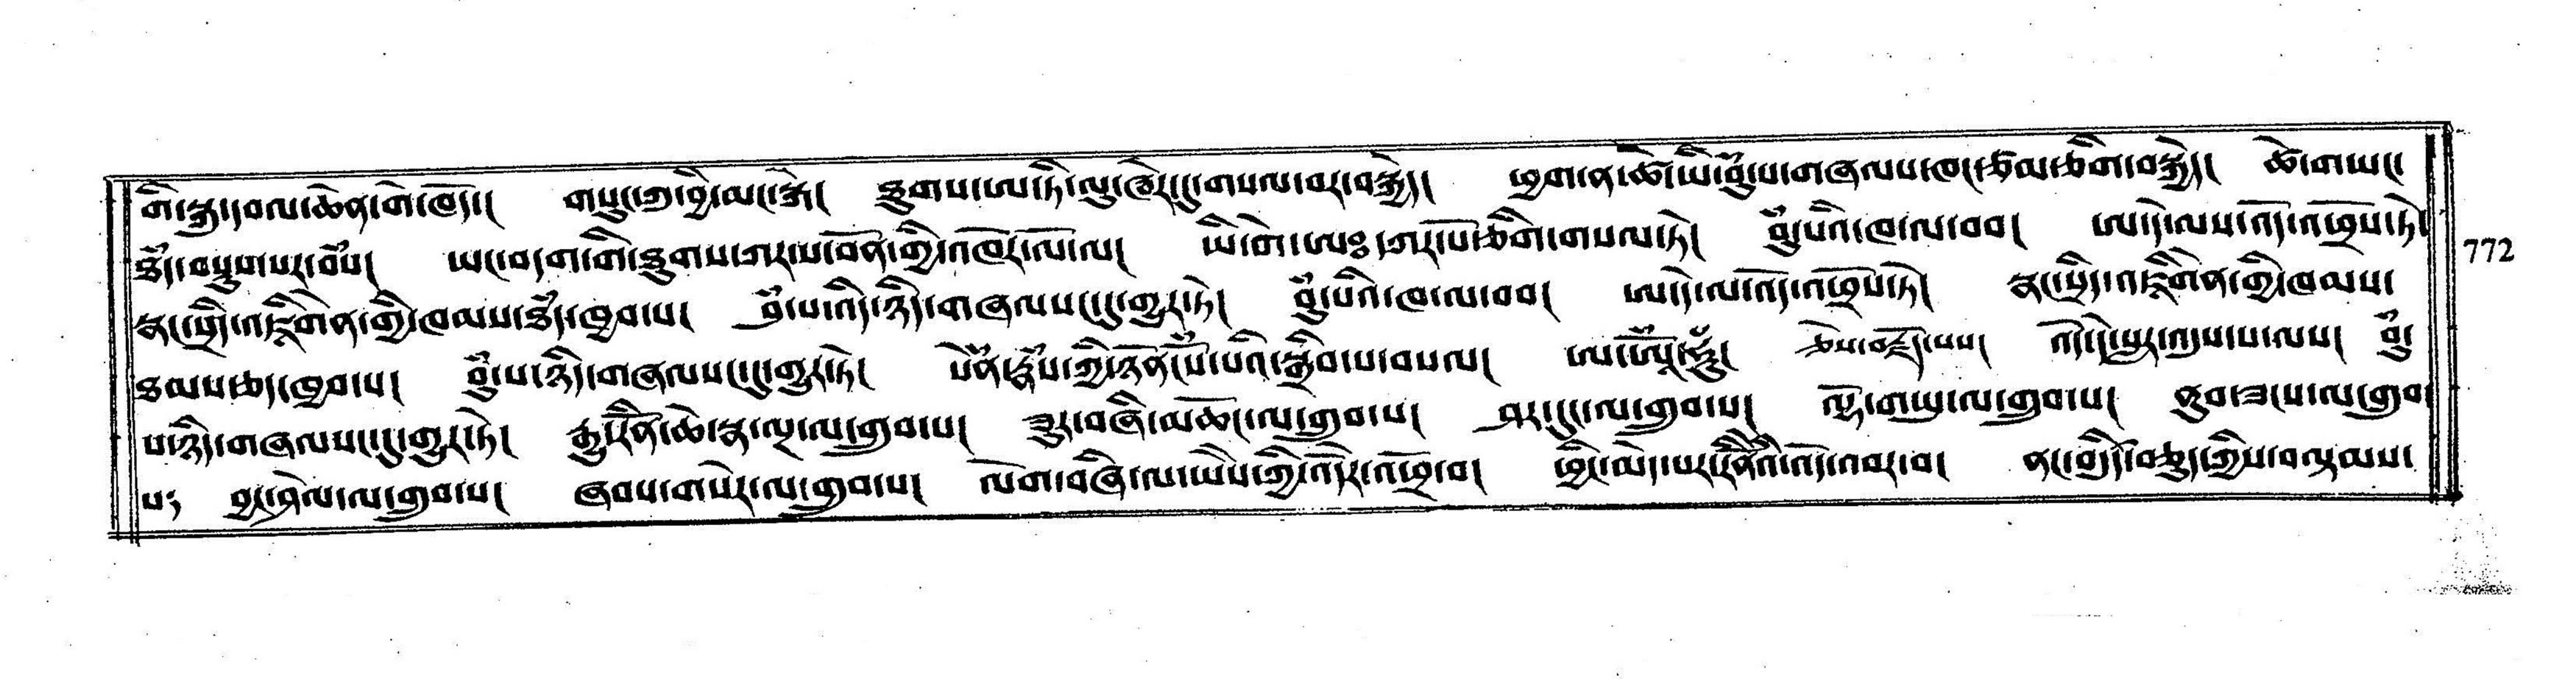གི་སྐུ་དབལ་ཆེན་གེ་ཁོད། གསུང་ཀུ་བྱི་མང་སྐེ། ཐུགས་ཨ་ཏི་མུ་ཝེར་དུ་གསལ་བར་བསྐྱེད། ཕྱག་ན་ཚེ་ཡི་བུམ་པ་གཞལ་ཡས་ཁང་ཙམ་ཅིག་བསྐྱེད། ཚེ་གཡང་
ཐམས་ཅད་བསྡུས་པར་བསམ། ཡང་བདག་གི་ཐུགས་ཀར་ས་བོན་གྱི་འཁོར་ལོ་ལ། ཡི་གེ་ཨཿདཀར་པོ་ཅིག་གསལ་ཏེ། བུམ་པའི་ཁ་ལ་བབ། ཨ་དེ་ལས་འོད་འཕྲོས་ཏེ་
སྣང་སྲིད་འཇིག་རྟེན་གྱི་ཁམས་ཐམས་ཅད་ཁྱབ་པ། བུམ་པ་འདི་ཉིད་གཞལ་ཡས་ཁང་དུ་གྱུར་ཏེ། བུམ་པའི་ཁ་ལ་བབ། ཨ་དེ་ལ་འོད་འཕྲོས་ཏེ། སྣང་སྲིད་འཇིག་རྟེན་གྱི་ཁམས་
ཐམས་ཅད་ཁྱབ་པ། བུམ་པ་ཉིད་གཞལ་ཡས་ཁང་དུ་གྱུར་ཏེ། སེམས་ཅན་རྣམས་ཀྱི་ཉོན་མོངས་པའི་སྒྲིབ་པ་བསལ། ཨ་ཨཱོཾ་ཧཱུཾ། ཅེས་བརྗོད་པས། འོད་དེ་སླར་འདུས་པ་ལས། བུམ་
པ་ཉིད་གཞལ་ཡས་ཁང་དུ་གྱུར་ཏེ། རྒྱུ་རིན་པོ་ཆེ་སྣ་ལྔ་ལ་གྲུབ་པ། ཟུར་བཞི་མཆོང་ལ་གྲུབ་པ། ཤར་དུང་ལ་གྲུབ་པ། ལྷོ་གཡུ་ལ་གྲུབ་པ། ནུབ་ཟངས་ལ་གྲུབ་པ། བྱང་ཤེལ་ལ་གྲུབ་
པ། ཞབས་གསེར་ལ་གྲུབ་པ། ལོག་བཞི་ལ་ཡེ་ཤེས་ཀྱི་འོད་ཟེར་འཕྲོ་བ། ཕྱི་ནང་མེད་པར་རིན་པོ་ཆེའི་འོད་འབར་བ། ནང་བདུད་རྩི་བཅུད་ཀྱིས་བལྟམས་